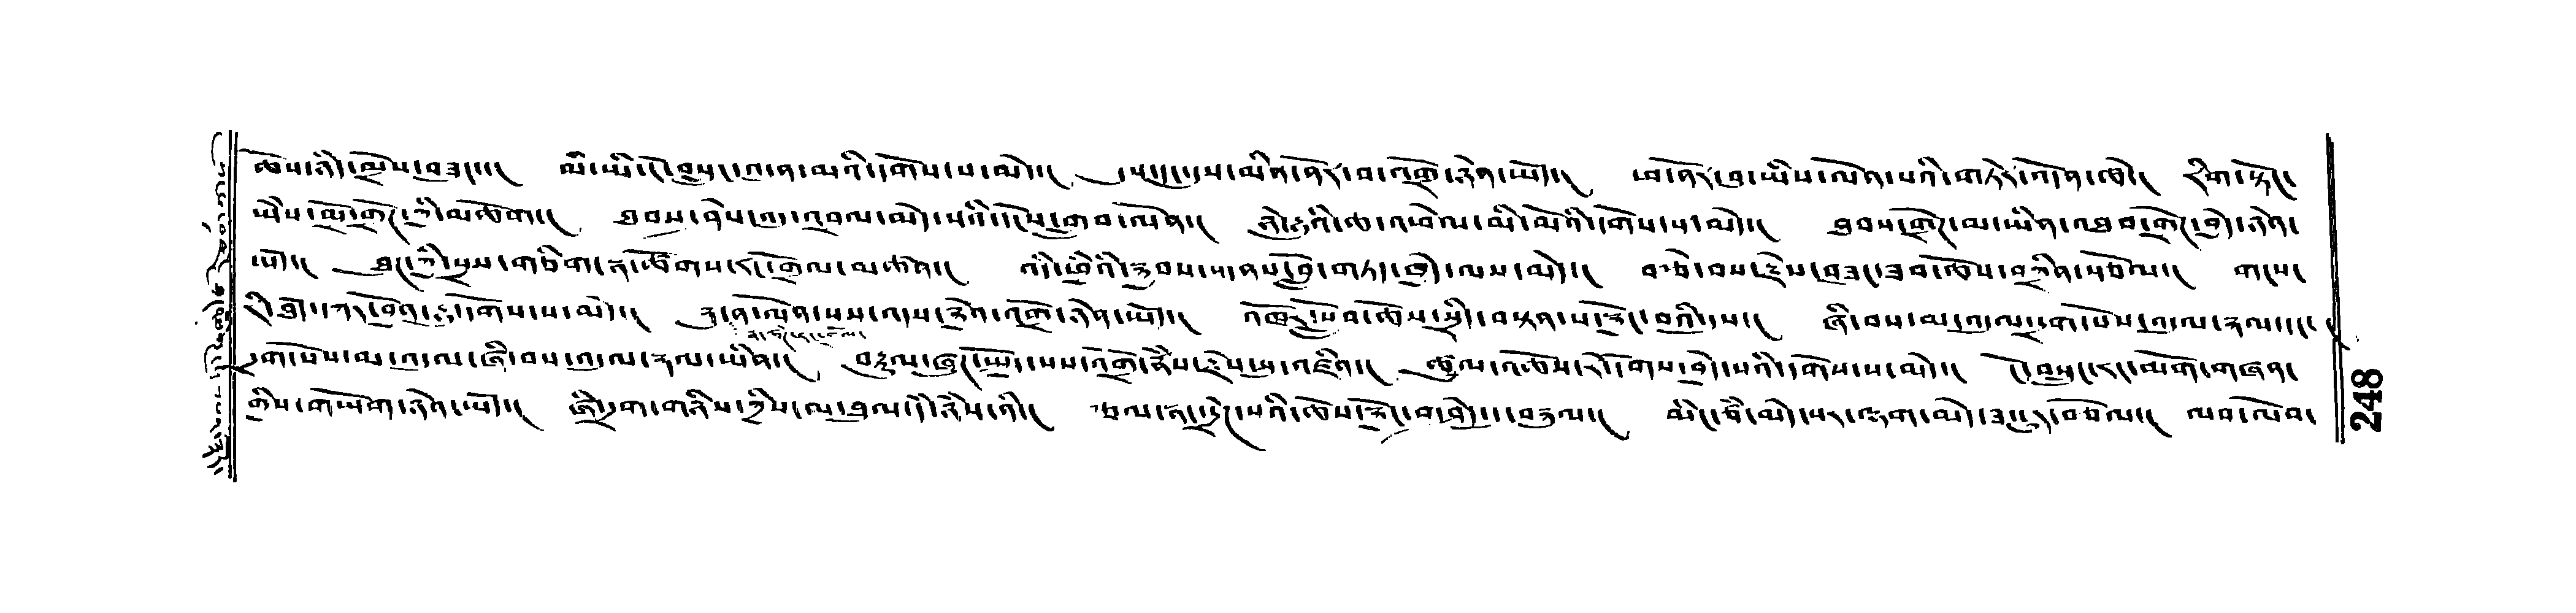ཆོས་ཉིད་མཁའ་འགྲོས་བཟུང་། །མི་ཡི་ངོ་བསྲུང་འདུན་མའི་དགོས་པ་མེད། །དུས་དང་དུས་མིན་ནོར་བ་འགྲོ་ཉེན་ཡོད། །ཕ་ནོར་བུ་ཡིས་ལོན་པའི་གཏེར་འདོན་ཚེ། །རིག་སྟོང་
ཡེ་ཤེས་མཁའ་འགྲོ་གྲོགས་ཀྱི་མཆོག །ཐབས་ཤེས་འདུ་འབྲལ་མེད་པའི་དངོས་གྲུབ་ལོན། །ཉེ་རྒྱུའི་ཆ་འཕེལ་མི་མོའི་དགོས་པ་མེད། །ཐབས་གྲོགས་མ་ཡིན་འཐབ་གྲོགས་བྱེད་ཉེན་
ཡོད། །ཐུགས་ཀྱི་སྲས་གཅིག་སྣ་ཚོགས་རང་གྲོལ་མཚན། །འདི་ཕྱིའི་སྐྱབས་གནས་བློ་གཏད་ཁྱེད་ལས་མེད། །བརྩེ་བས་རྗེས་བཟུང་ཟབ་ཆོས་བཀའ་དྲིན་སྩོལ། །གངས་
རི་ཐོད་དཀར་བྱོན་རྒྱུ་དགོས་པ་མེད། །སྐུ་ན་ལོན་པས་འདས་རྐྱེན་འགྲོ་ཉེན་ཡོད། །འཁོར་སློབ་ཆོས་སྲིད་བསྟན་པ་སྐྱོང་བའི་དུས། །ཞི་བས་མ་གདུལ་དྲག་པོའི་འདུལ་སྐལ་དང་། །
དྲག་པོས་མ་གདུལ་ཞི་བའི་འདུལ་སྐལ་ཡིན། །བརྟུལ་ཞུགས་སྤྱོད་པས་འགྲོ་རྣམས་རྗེས་སུ་འཛིན། །ཚུལ་འཆོས་རེ་དགོས་བྱེད་པའི་དོགས་པ་མེད། །ངོ་བསྲུང་རང་མགོ་གཞན་
གྱིས་གཡོག་ཉེན་ཡོད། །ཞི་དྲག་གཉིས་ཀྱིས་མ་ཐུལ་དམ་ཉམས་ནི། །རྩལ་སྣང་དྲེགས་པའི་ཆོས་སྐྱོང་གཤེད་དུ་བསྐུལ། །མིང་ཙམ་མེད་པར་ལྷག་མེད་ཟ་ངུར་བཅོལ། །ལབ་ལོབ་